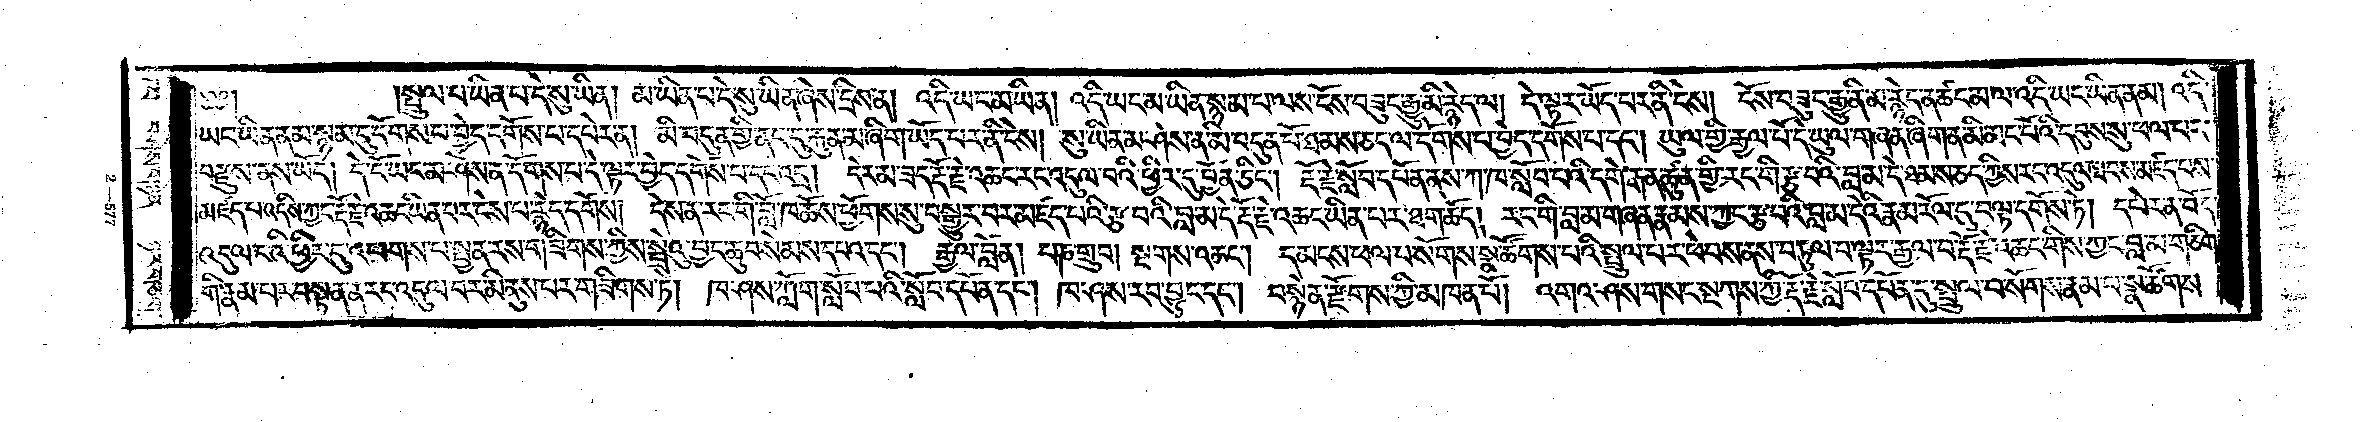༄༅། །སྤྲུལ་པ་ཡིན་པ་དེ་སུ་ཡིན། མ་ཡིན་པ་དེ་སུ་ཡིན་ཞེས་དྲིས་ན། འདི་ཡང་མ་ཡིན། འདི་ཡང་མ་ཡིན་སྙམ་པ་ལས་ངོས་བཟུང་རྒྱུ་མི་རྙེད་ལ། དེ་ལྟར་ཡོད་པར་ནི་ངེས། ངོས་བཟུང་རྒྱུ་ནི་མ་རྙེད་ན་ཚང་མ་ལ་འདི་ཡང་ཡིན་ནམ། འདི་
ཡང་ཡིན་ནམ་སྙམ་དུ་དོགས་པ་བྱེད་དགོས་པ་དཔེར་ན། མི་བདུན་གྱི་ནང་དུ་རྐུན་མ་ཞིག་ཡོད་པར་ནི་ངེས། སུ་ཡིན་མ་ཤེས་ན་མི་བདུན་པོ་ཐམས་ཅད་ལ་དོགས་པ་བྱེད་དགོས་པ་དང་། ཡུལ་གྱི་རྒྱལ་པོ་དེ་ཡུལ་གཞན་ཞིག་ན་མི་མང་པོའི་དབུས་སུ་ཕལ་པར་
བརྫུས་ནས་ཡོད། དེ་ངོ་ཡང་མ་ཤེས་ན་དོགས་པ་དེ་ལྟར་བྱེད་དགོས་པ་དང་འདྲ། དེར་མ་ཟད་རྡོ་རྗེ་འཆང་རང་འདུལ་བའི་ཕྱིར་དུ་བྱོན་ཅིང་། རྡོ་རྗེ་སློབ་དཔོན་ནས་ཀ་ཁ་སློབ་པའི་དགེ་རྒན་ཚུན་གྱི་རང་གི་རྩ་བའི་བླ་མ་དེ་ཐམས་ཅད་ཀྱིས་རང་འདུལ་ཐབས་མཛད་པས་
མཛད་པ་འདིས་ཀྱང་རྡོ་རྗེ་འཆང་ཡིན་པར་ངེས་པ་རྙེད་དགོས། དེས་ན་རང་གི་བློ་ཁ་ཆོས་ཕྱོགས་སུ་བསྒྱུར་བར་མཛད་པའི་རྩ་བའི་བླ་མ་དེ་རྡོ་རྗེ་འཆང་ཡིན་པར་ཐག་ཆོད། རང་གི་བླ་མ་གཞན་རྣམས་ཀྱང་རྩ་བའི་བླ་མ་དེའི་རྣམ་རོལ་དུ་བལྟ་དགོས་ཏེ། དཔེར་ན་བོད་
འདུལ་ངའི་ཕྱིར་དུ་འཕགས་པ་སྤྱན་རས་གཟིགས་ཀྱིས་སྤྲེའུ་བྱང་ཆུབ་སེམས་དཔའ་དང་། རྒྱལ་བློན། པཎ་གྲུབ། སྔགས་འཆང་། དམངས་ཕལ་པ་སོགས་སྣ་ཚོགས་པའི་སྤྲུལ་པར་ཕེབས་ནས་བཏུལ་པ་ལྟར་རྒྱ་བ་རྡོ་རྗེ་འཆང་གིས་ཀྱང་བླ་མ་གཅིག་
གི་རྣམ་པར་བསྟན་ན་རང་འདུལ་བར་མི་ནུས་པར་གཟིགས་ཏེ། ཁ་ཤས་ཀློག་སློབ་པའི་སློབ་དཔོན་དང་། ཁ་ཤས་རབ་བྱུང་དང་། བསྙེན་རྫོགས་ཀྱི་མཁན་པོ། འགའ་ཤས་གསང་སྔགས་ཀྱི་རྡོ་རྗེ་སློབ་དཔོན་དུ་སྤྲུལ་བ་སོགས་རྣམ་པ་སྣ་ཚོགས་